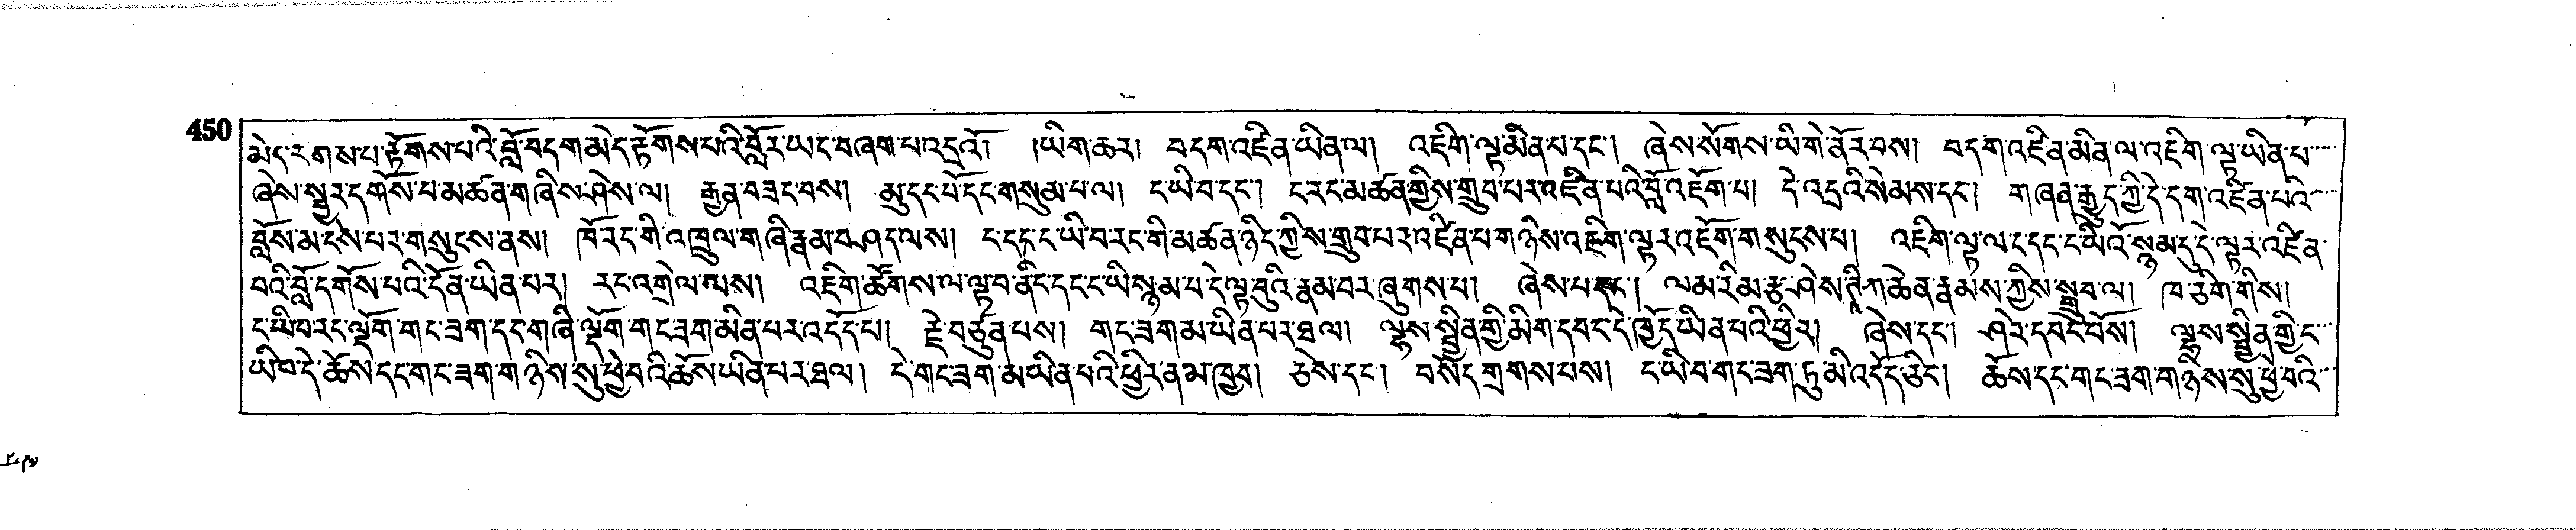མེད་རིགས་པ་རྟོགས་པའི་བློ་བདག་མེད་རྟོགས་པའི་བློར་ཡང་བཞག་པ་འདྲའོ། །ཡིག་ཆར། བདག་འཛིན་ཡིན་ལ། འཇིག་ལྟ་མིན་པ་དང་། ཞེས་སོགས་ཡི་གེ་ནོར་བས། བདག་འཛིན་མིན་ལ་འཇིག་ལྟ་ཡིན་པ་
ཞེས་སྦྱར་དགོས་པ་མཚན་གཞིས་ཤེས་ལ། རྒྱན་བཟང་བས། མུ་དང་པོ་དང་གསུམ་པ་ལ། ང་ཡི་བ་དང་། ང་རང་མཚན་གྱིས་གྲུབ་པར་འཛིན་པའི་བློ་འཇོག་པ། དེ་འདྲའི་སེམས་དང་། གཞན་རྒྱུད་ཀྱི་དེ་དག་འཛིན་པའི་
བློས་མ་ངེས་པར་གསུངས་ནས། ཁོ་རང་གི་འཁྲུལ་གཞི་རྣམ་བཤད་ལས། ང་དང་ང་ཡི་བ་རང་གི་མཚན་ཉིད་ཀྱིས་གྲུབ་པར་འཛིན་པ་གཉིས་འཇིག་ལྟར་འཇོག་གསུངས་པ། འཇིག་ལྟ་ལ་ང་དང་ང་ཡིའོ་སྙམ་དུ་དེ་ལྟར་འཛིན་
པའི་བློ་དགོས་པའི་དོན་ཡིན་པར། རང་འགྲེལ་ལས། འཇིག་ཚོགས་ལ་ལྟ་བ་ནི་ང་དང་ང་ཡི་སྙམ་པ་དེ་ལྟ་བུའི་རྣམ་པར་ཞུགས་པ། ཞེས་པ་དང་། ལམ་རིམ་རྩ་ཤེས་ཊཱིཀ་ཆེན་རྣམས་ཀྱིས་སྒྲུབ་ལ། ཁ་ཅིག་གིས།
ང་ཡི་བ་རང་ལྡོག་གང་ཟག་དང་གཞི་ལྡོག་གང་ཟག་མིན་པར་འདོད་པ། རྗེ་བཙུན་པས། གང་ཟག་མ་ཡིན་པར་ཐལ། ལྷས་སྦྱིན་གྱི་མིག་དབང་དེ་ཁྱོད་ཡིན་པའི་ཕྱིར། ཞེས་དང་། ཤེར་དབང་པོས། ལྷས་སྦྱིན་གྱི་ང་
ཡི་བ་དེ་ཆོས་དང་གང་ཟག་གཉིས་སུ་ཕྱེ་བའི་ཆོས་ཡིན་པར་ཐལ། དེ་གང་ཟག་མ་ཡིན་པའི་ཕྱིར་ན་མ་ཁྱབ། ཅེས་དང་། བསོད་གྲགས་པས། ང་ཡི་བ་གང་ཟག་ཏུ་མི་འདོད་ཅིང་། ཆོས་དང་གང་ཟག་གཉིས་སུ་ཕྱེ་བའི་